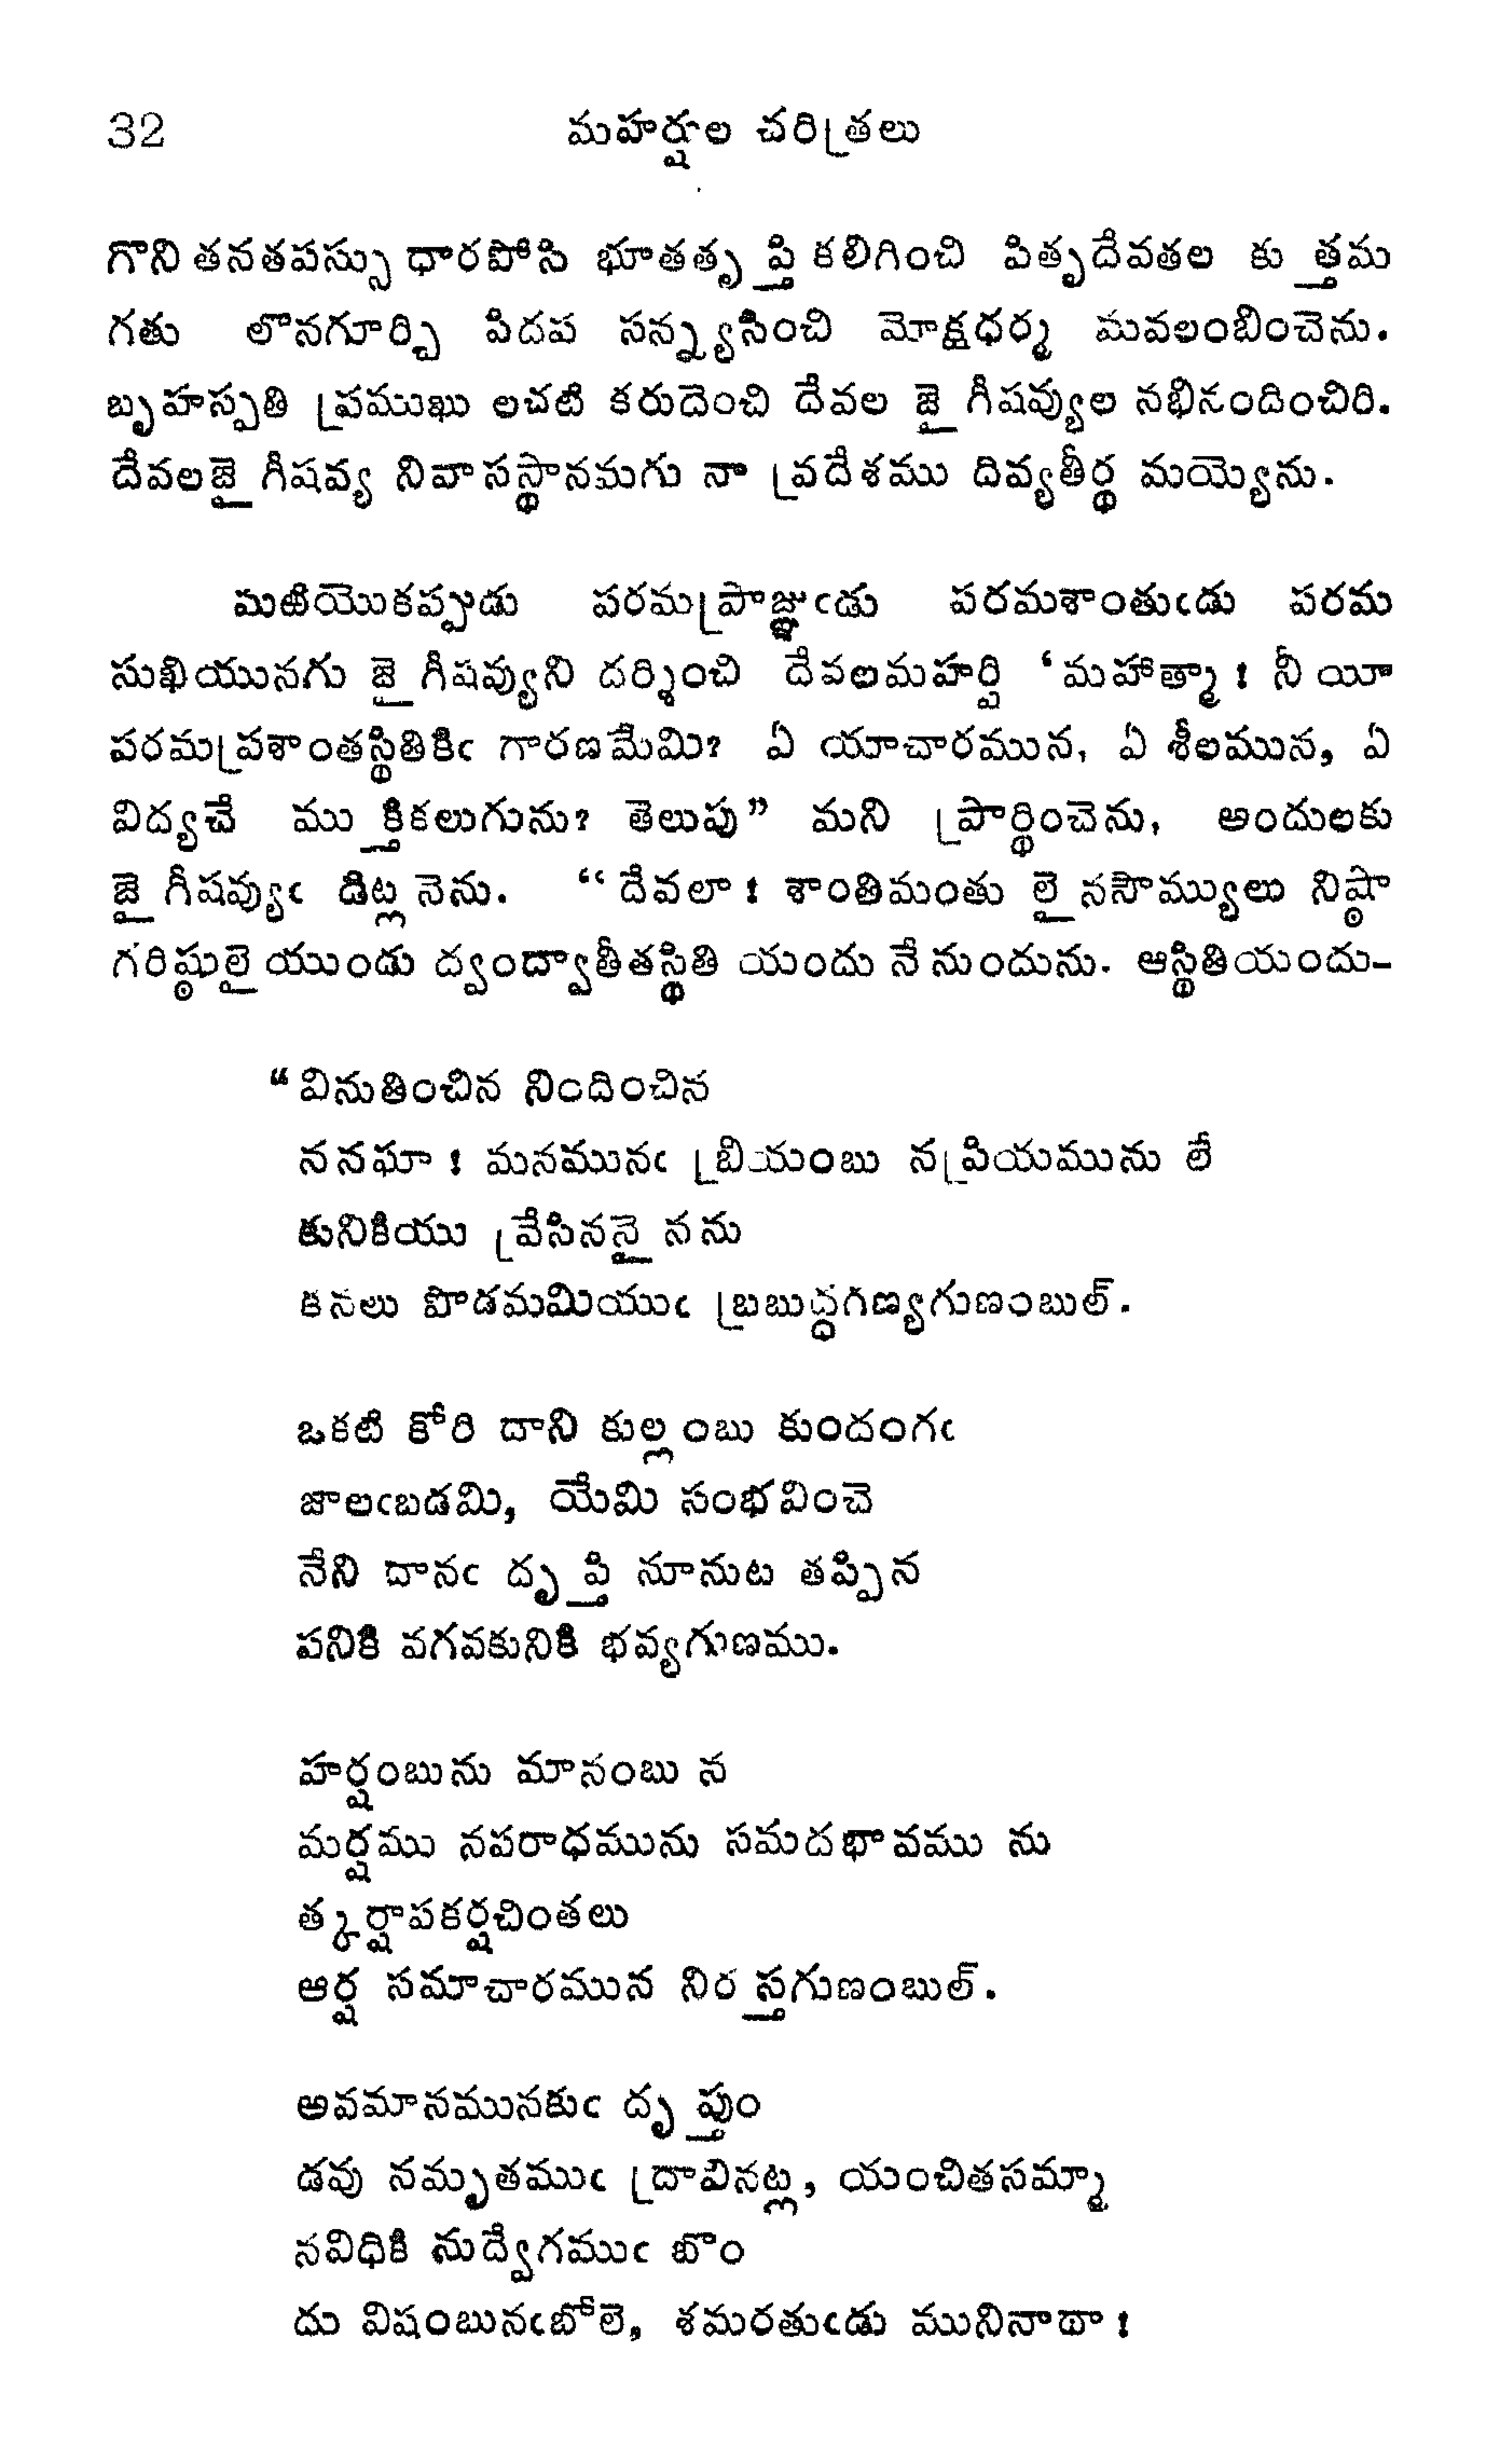గొని తనతపస్సు ధారపోసి భూతతృప్తి కలిగించి పితృదేవతల కుత్తమ గతు లొనగూర్చి పిదప సన్న్యసించి మోక్షధర్మ మవలంబించెను. బృహస్పతి ప్రముఖు లచటి కరుదెంచి దేవల జై గీషవ్యుల నభినందించిరి. దేవలజై గీషవ్య నివాసస్థానమగు నా ప్రదేశము దివ్యతీర్థ మయ్యెను.

మఱియొకప్పుడు పరమప్రాజ్ఞుఁడు పరమశాంతుఁడు పరమ సుఖియునగు జై గీషవ్యుని దర్శించి దేవలమహర్షి 'మహాత్మా! నీ యీ పరమప్రశాంతస్థితికిఁ గారణ మేమి? ఏ యాచారమున, ఏ శీలమున, ఏ విద్యచే ముక్తికలుగును? తెలుపు" మని ప్రార్థించెను, అందులకు జై గీషవ్యుఁ డిట్ల నెను. “దేవలా! శాంతిమంతు లైనసౌమ్యులు నిష్ఠా గరిష్ఠులై యుండు ద్వంద్వాతీత స్థితి యందు నే నుందును. ఆస్థితియందు

"వినుతించిన నిందించిన 
 ననఘా ! మనమునఁ బ్రియంబు నప్రియమును లే 
 కునికియు వ్రేసిననై నను 
 కనలు పొడమమియుఁ బ్రబుద్ధగణ్యగుణంబుల్ .

 ఒకటి కోరి దాని కుల్లంబు కుందంగఁ 
 జాలఁబడమి, యేమి సంభవించె
 నేని దానఁ దృప్తి నూనుట తప్పిన 
 పనికి వగవకునికి భవ్యగుణము.

 హర్షంబును మానంబు న 
 మర్షము నపరాధమును సమదభావము ను 
 త్కర్షాపకర్షచింతలు 
 ఆర్ష సమాచారమున నిరసగుణంబుల్ . 

 అవమానమునకుఁ దృప్తుం 
 డవు నమృతముఁ ద్రావినట్ల, యంచితసమ్మా 
 నవిధికి నుద్వేగముఁ బొం 
 దు విషంబునఁబోలె, శమరతుఁడు మునినాదా!